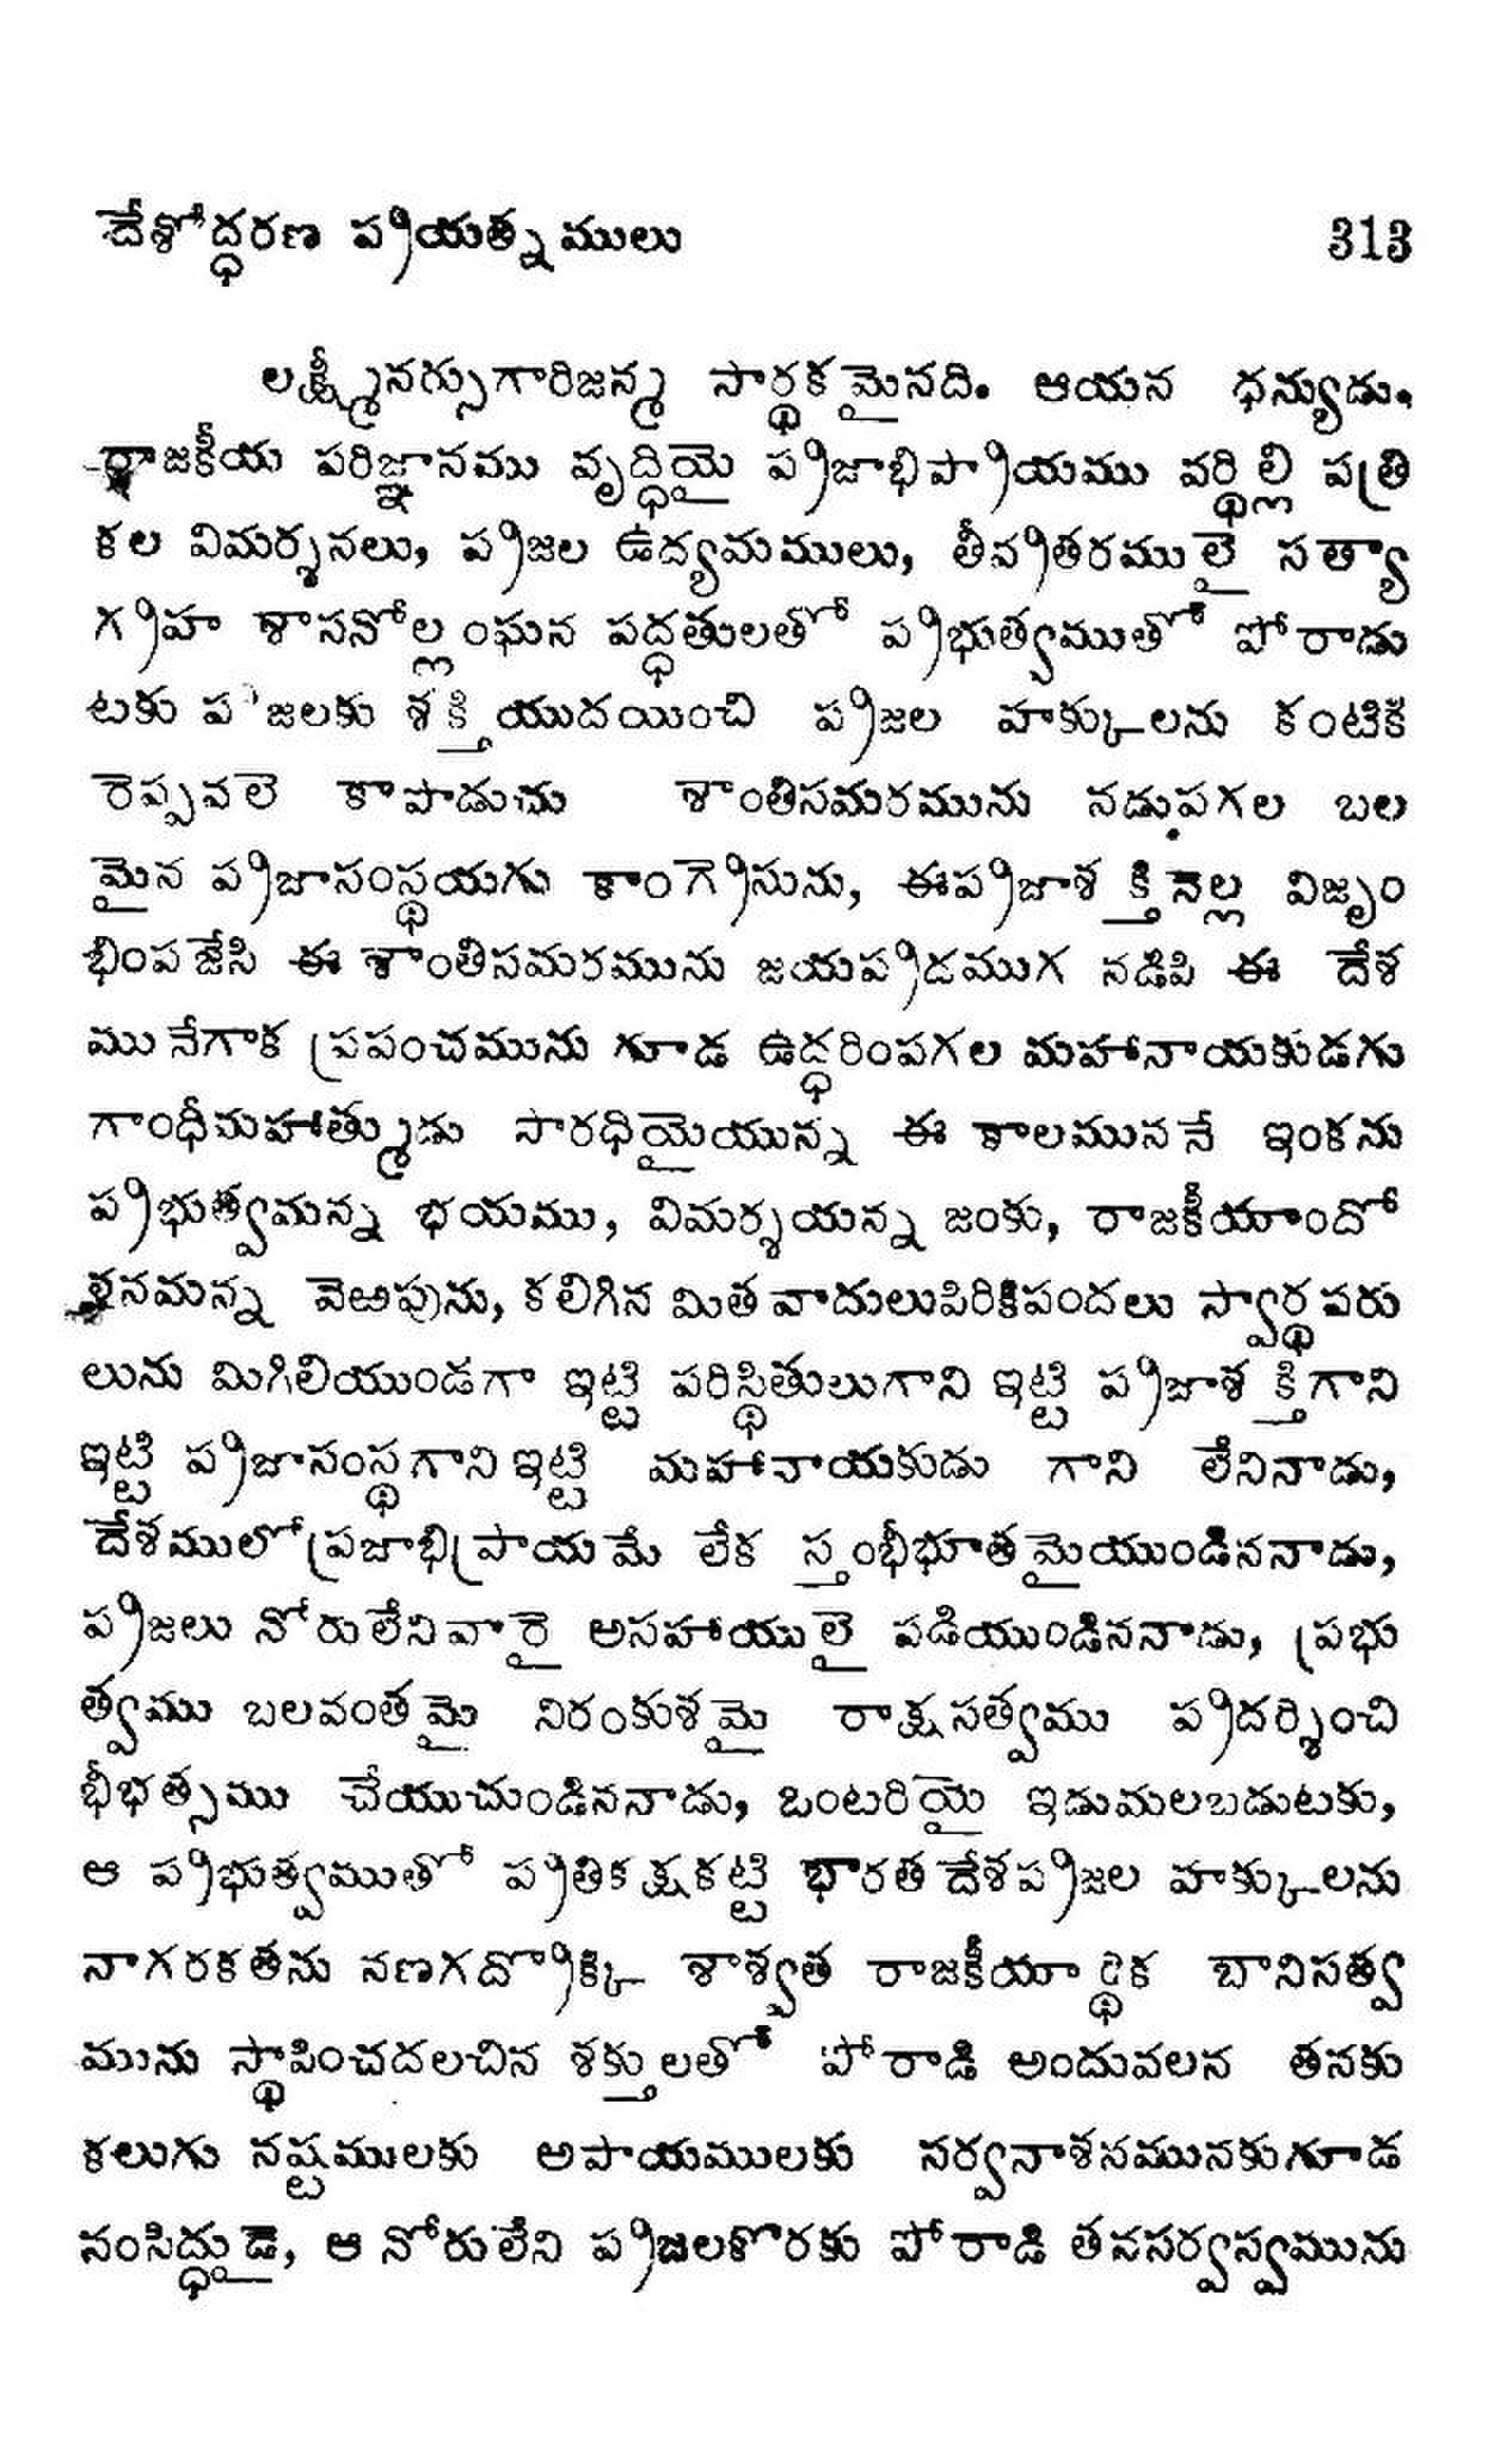లక్ష్మీనర్సుగారిజన్మ సార్ధకమైనది. ఆయన ధన్యుడు, - రాజకీయ పరిజ్ఞానము వృద్ధియై ప్రజాభిప్రాయము వర్ధిల్లి పత్రికల విమర్శనలు, ప్రజల ఉద్యమములు, తీవ్రతరములై సత్యాగ్రహ శాసనోల్లంఘన పద్ధతులతో ప్రభుత్వముతో పోరాడుటకు ప్రజలకు శక్తి యుదయించి ప్రజల హక్కులను కంటికి రెప్పవలె కాపాడుచు శాంతిసమరమును నడుపగల బలమైన ప్రజాసంస్థయగు కాంగ్రెసును, ఈప్రజాశక్తినెల్ల విజృంభింపజేసి ఈ శాంతిసమరమును జయప్రదముగ నడిపి ఈ దేశమునేగాక ప్రపంచమును గూడ ఉద్దరింపగల మహానాయకుడగు గాంధీమహాత్ముడు సారధియైయున్న ఈ కాలముననే ఇంకను ప్రభుత్వమన్న భయము, విమర్శయన్న జంకు, రాజకీయాందోళనమన్న వెఱపును, కలిగిన మితవాదులు పిరికిపందలు స్వార్ధపరులును మిగిలియుండగా ఇట్టి పరిస్థితులుగాని ఇట్టి ప్రజాశక్తిగాని ఇట్టి ప్రజాసంస్థగాని ఇట్టి మహానాయకుడు గాని లేనినాడు, దేశములోప్రజాభిప్రాయమే లేక స్తంభీభూతమైయుండిననాడు, ప్రజలు నోరులేనివారై అసహాయులై పడియుండిననాడు, ప్రభుత్వము బలవంతమై నిరంకుశమై రాక్షసత్వము ప్రదర్శించి భీభత్సము చేయుచుండిననాడు, ఒంటరియై ఇడుమలబడుటకు, ఆ ప్రభుత్వముతో ప్రతికక్షకట్టి భారతదేశప్రజల హక్కులను నాగరకతను నణగద్రొక్కి శాశ్వత రాజకీయార్థిక బానిసత్వమును స్థాపించదలచిన శక్తులతో పోరాడి అందువలన తనకు కలుగు నష్టములకు అపాయములకు సర్వనాశనమునకుగూడ సంసిద్ధుడై, ఆ నోరులేని ప్రజలకొరకు పోరాడి తనసర్వస్వమును